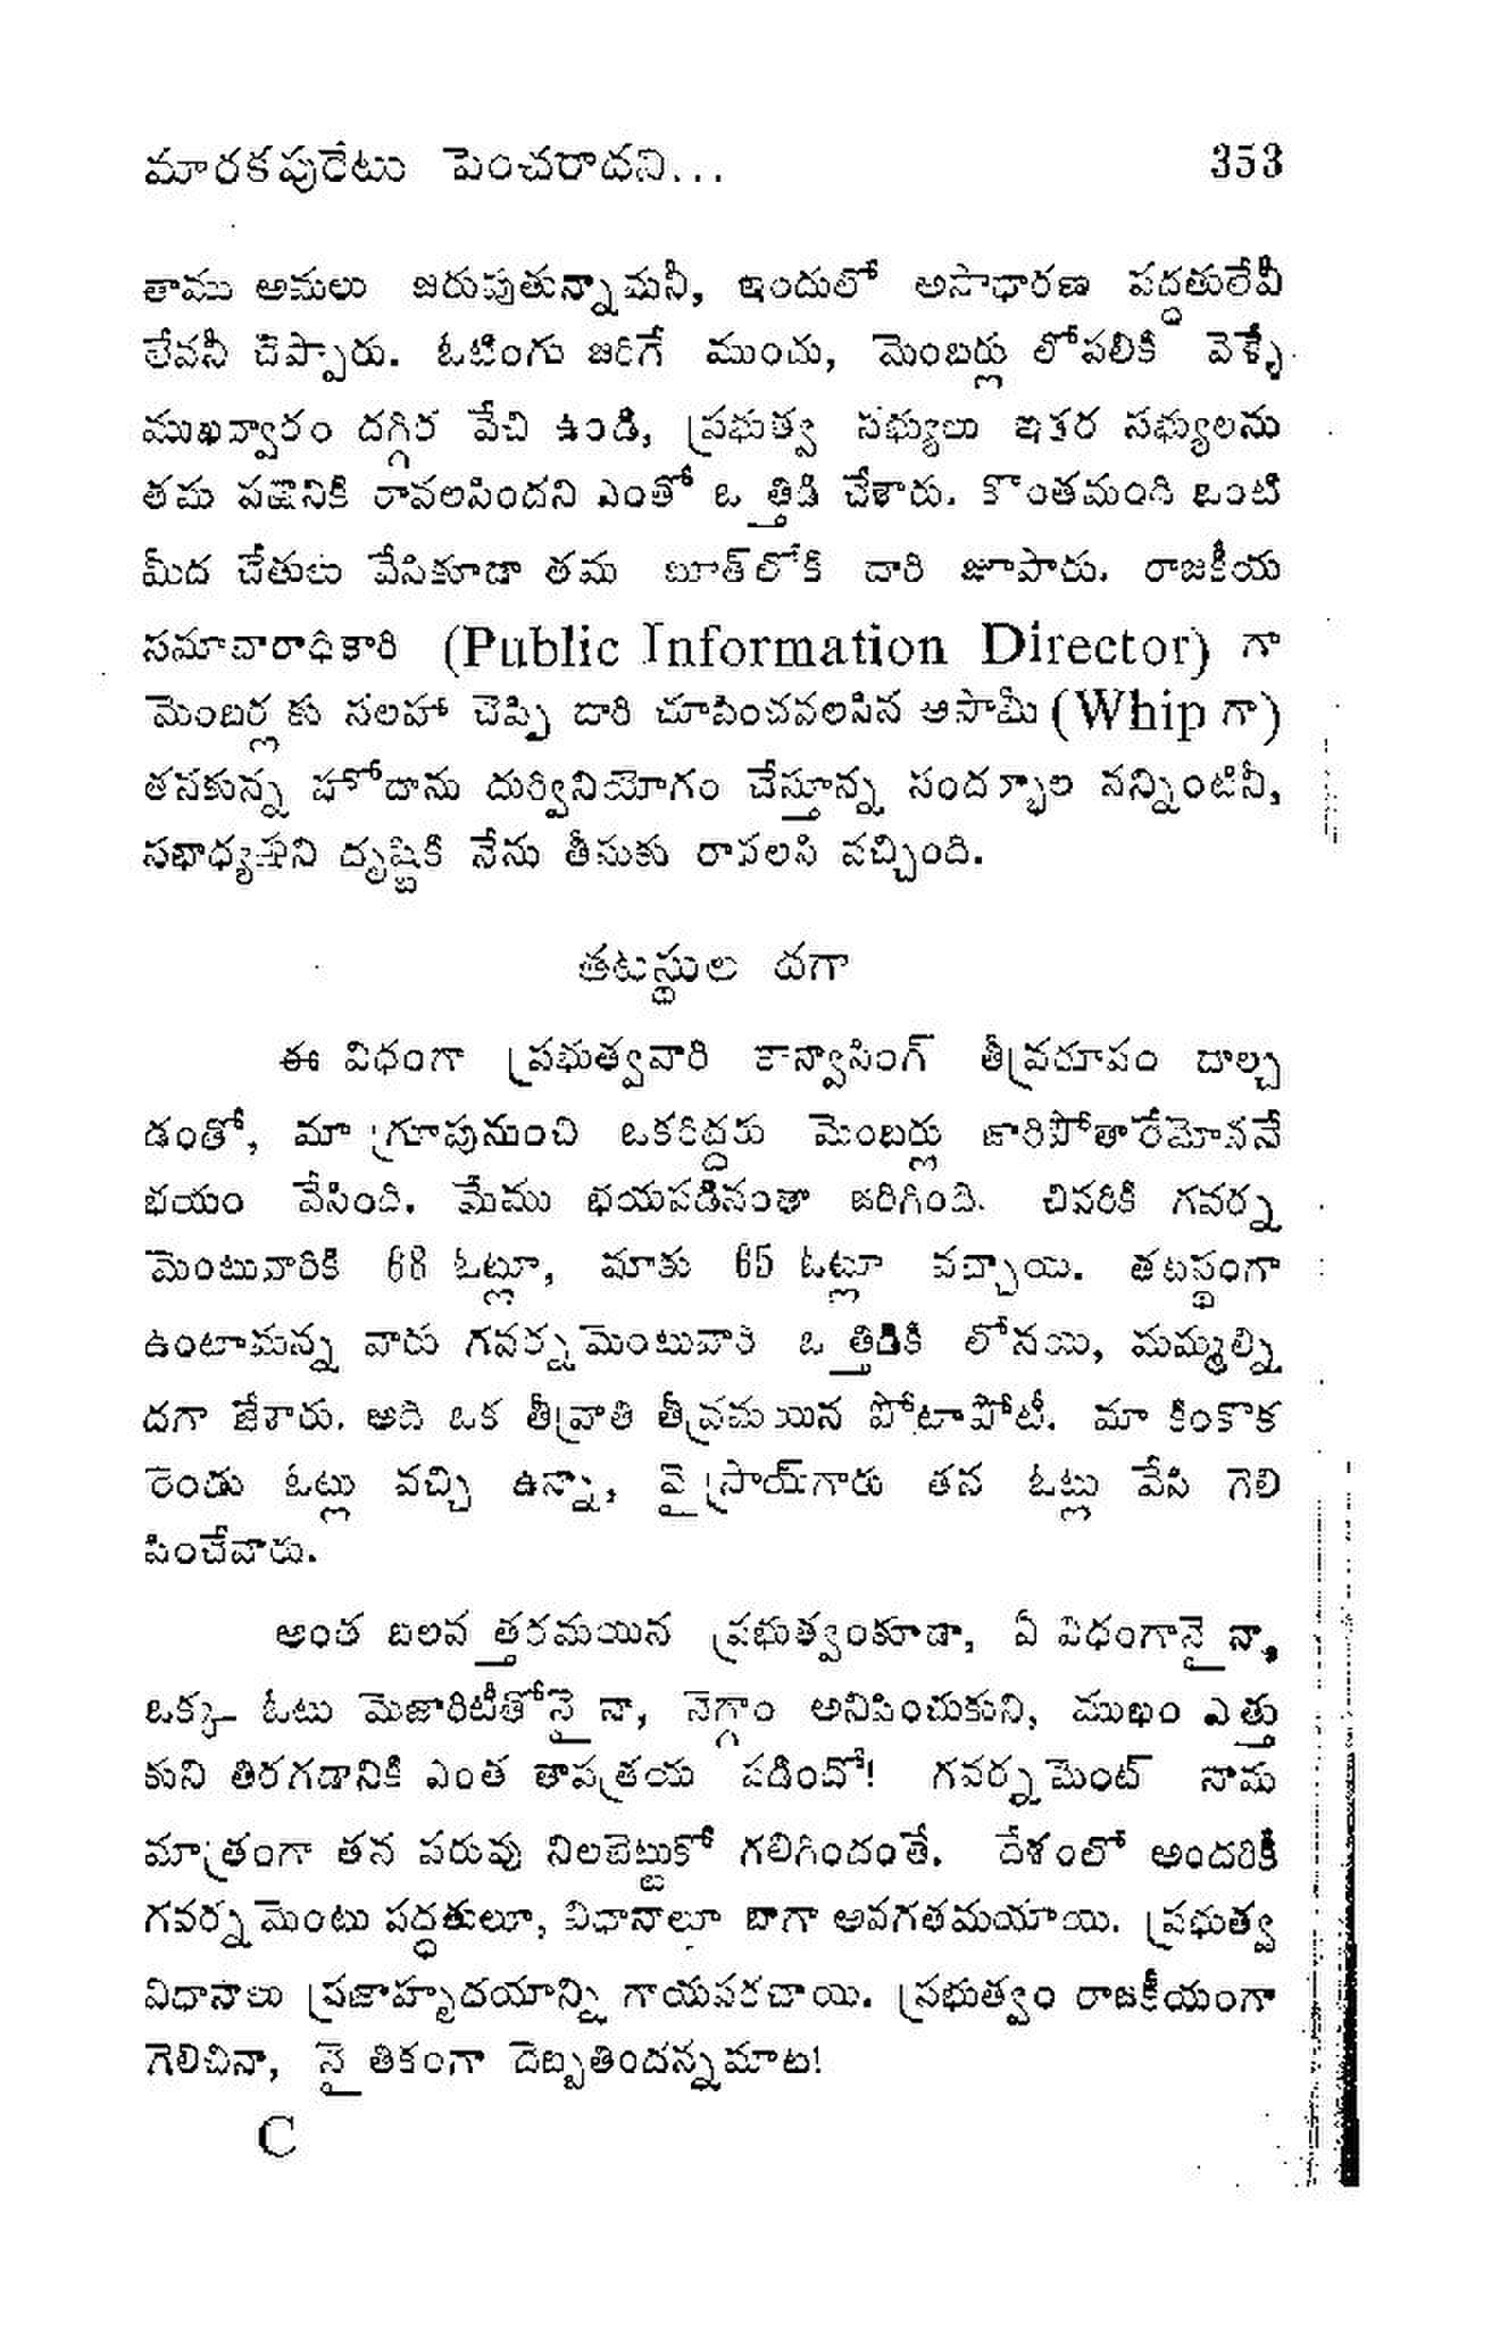తాము అమలు జరుపుతున్నామని, ఇందులో అసాధారణ పద్ధతులేవి లేవనీ చెప్పారు. ఓటింగు జరిగే ముందు, మెంబర్లు లోపలికి వెళ్ళే ముఖద్వారం దగ్గిర వేచి ఉండి, ప్రభుత్వ సభ్యులు ఇతర సభ్యులను తమ పక్షానికి రావలసిందని ఎంతో ఒత్తిడి చేశారు. కొంతమంది ఒంటిమీద చేతులు వేసికూడా తమ బూత్‌లోకి దారి జూపారు. రాజకీయ సమాచారాధికారి (Public Information Director) గా మెంబర్లకు సలహా చెప్పి దారి చూపించవలసిన ఆసామీ (wihp గా) తనకున్న హోదాను దుర్వినియోగం చేస్తున్న సందర్భాల నన్నింటినీ, సభాధ్యక్షుని దృష్టికి నేను తీసుకు రావలసి వచ్చింది. 

ఈ విధంగా ప్రభుత్వంవారి కాన్వాసింగ్ తీవ్రరూపం దాల్చడంతో, మా గ్రూపునుంచి ఒకరిద్దరు మెంబర్లు జారిపోతారేమోననే భయం వేసింది. మేము భయపడినంతా జరిగింది. చివరికి గవర్నమెంటువారికి 68 ఓట్లూ, మాకు 65 ఓట్లూ వచ్చాయి. తటస్థంగా ఉంటామన్న వారు గవర్నమెంటువారి ఒత్తిడికి లోనయి, మమ్మల్ని దగా జేశారు. అది ఒక తీవ్రాతి తీవ్రమయిన పోటాపోటీ. మా కింకొక రెండు ఓట్లు వచ్చి ఉన్నా, వైస్రాయ్‌రు తన ఓట్లు వేసి గెలిపించేవారు.

అంత బలవత్తరమయిన ప్రభుత్వంకూడా, ఏ విధంగానైనా ఒక్క ఓటు మెజారిటీతోనైనా, నెగ్గాం అనిపించుకుని, ముఖం ఎత్తుకుని తిరగడానికి ఎంత తాపత్రయ పడిందో! గవర్నమెంట్ నామ మాత్రంగా తన పరువు నిలబెట్టుకో గలిగిందంతే. దేశంలో అందరికీ గవర్నమెంటు పద్ధతులూ, విధానాలూ బాగా అవగతమయాయి. ప్రభుత్వ విధానాలు ప్రజాహృదయాన్ని గాయపరచాయి. ప్రభుత్వం రాజకీయంగా గెలిచినా, నైతికంగా దెబ్బతిందన్నమాట!